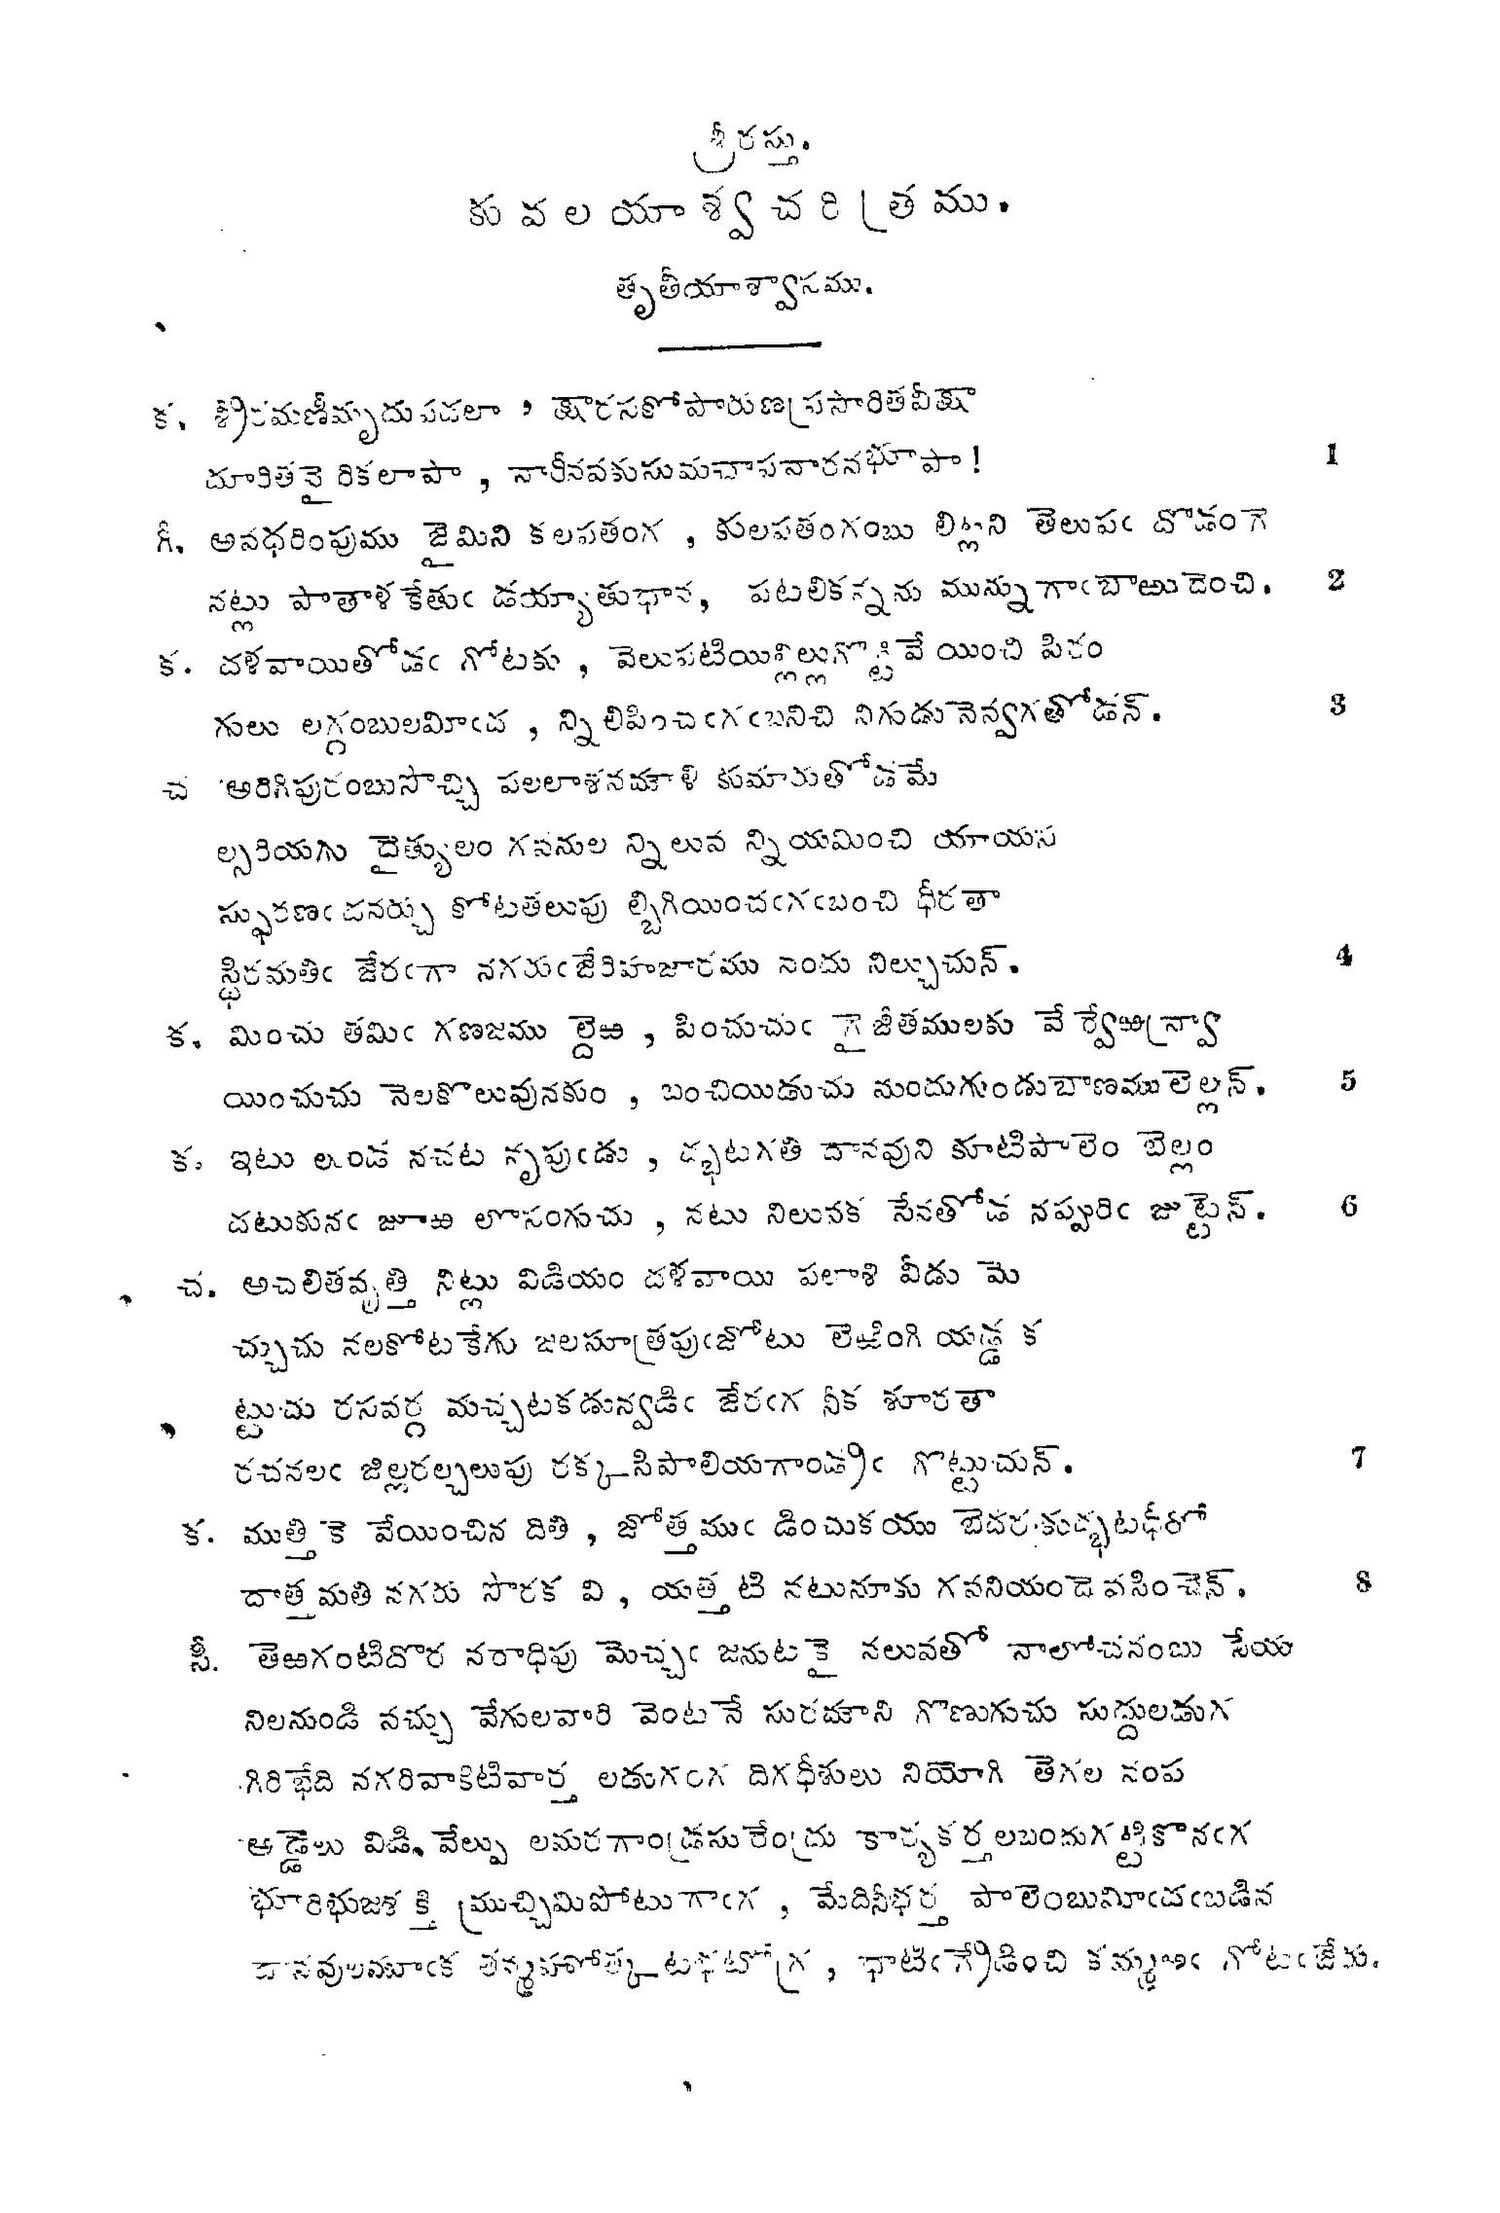కువలయాశ్వచరిత్రము
తృతీయాశ్వాసము
క. శ్రీరమణీమృదుపదలా, క్షారసకోపారుణప్రసారితవీక్షా
దూరితవైరికలాపా, నారీనవకుసుమచాప నారనభూపా!
గీ. అవధరింపుము జైమిని కలపతంగ, కులపతంగంబు లిట్లని తెలుపఁదొడంగె
నట్లు పాతాళకేతుఁ డయ్యాతుధాన, పటలికన్నను మున్నుగాఁ బాఱుదెంచి.
క. దళవాయితోడఁ గోటకు, వెలుపటియిల్లిల్లు గొట్టివేయించి పిరం
గులు లగ్గంబులమీఁద, న్నిలిపించఁగఁ బనిచి నిగుడు నెవ్వగతోడన్.
చ. అరిగి పురంబు సొచ్చి పలలాశనమౌళి కుమారుతోడ మే
ల్సరియగు దైత్యులం గవనుల న్నిలువ న్నియమించి యాయస
స్ఫురణఁ దనర్చు కోటతలుపు ల్బిగియించఁగఁ బంచి ధీరతా
స్థిరమతిఁ జేరఁగా నగరుఁ జేరి హజారమునందు నిల్చుచున్.
క. మించు తమిఁ గణజము ల్దెఱ, పించుచుఁ గైజీతములకు వేర్వేఱ న్వ్రా
యించుచు నెలకొలువునకుం , బంచియిడుచు మందుగుండుబాణములెల్లన్.
క. ఇటు లండ నచట నృపుఁ డు, ద్భటగతి దానవుని కూటిపాలెం బెల్లం
దటుకునఁ జూఱ లొసంగుచు, నటు నిలువక సేనతోడ నప్పురిఁ జుట్టెన్.
చ. అచలితవృత్తి నిట్లు విడియం దళవాయి పటాశి వీడు మే
చ్చుచు నలకోట కేగు జలసూత్రపుఁజోటు లెఱింగి యడ్డ క
ట్టుచు రసవర్గ మచ్చట కడున్వడిఁ జేరఁగనీక శూరతా
రచనలఁ జిల్లరల్చలుపు రక్కసిపాలియగాండ్రఁ గొట్టుచున్.
క. ముత్తికె వేయించిన దితి, జోత్తముఁ డించుకయు బెదర కుద్భటధీరో
దాత్తమతి నగరు సొరక వి , యత్తటి నటునూకు గమనియందె వసించెన్.
సీ. తెఱగంటిదొర నరాధిపు మెచ్చఁ జనుటకై నలువతో నాలోచనంబు సేయ
నిలనుండి వచ్చు వేగులవారి వెంటనే సురమౌని గొణుగుచు సుద్దు లడుగ
గిరిభేది నగరివాకిటివార్త లడుగంగ దిగధీశులు నియోగి తెగల నంప
అడ్డెలు విడి వేల్పు లమరగాం డ్రసురేంద్రుకార్యకర్తలబందు గట్టికొనఁగ
భూరిభుజశక్తి మ్రుచ్చిమిపోటు గాఁగ, మేదినీభర్త పాలెంబుమీఁదఁ బడిన
దానవులమూఁక తన్మహోత్కటభటోగ్ర, ధాటిఁ గ్రేడించి క్రమ్మఱఁ గోటఁ జేరు.